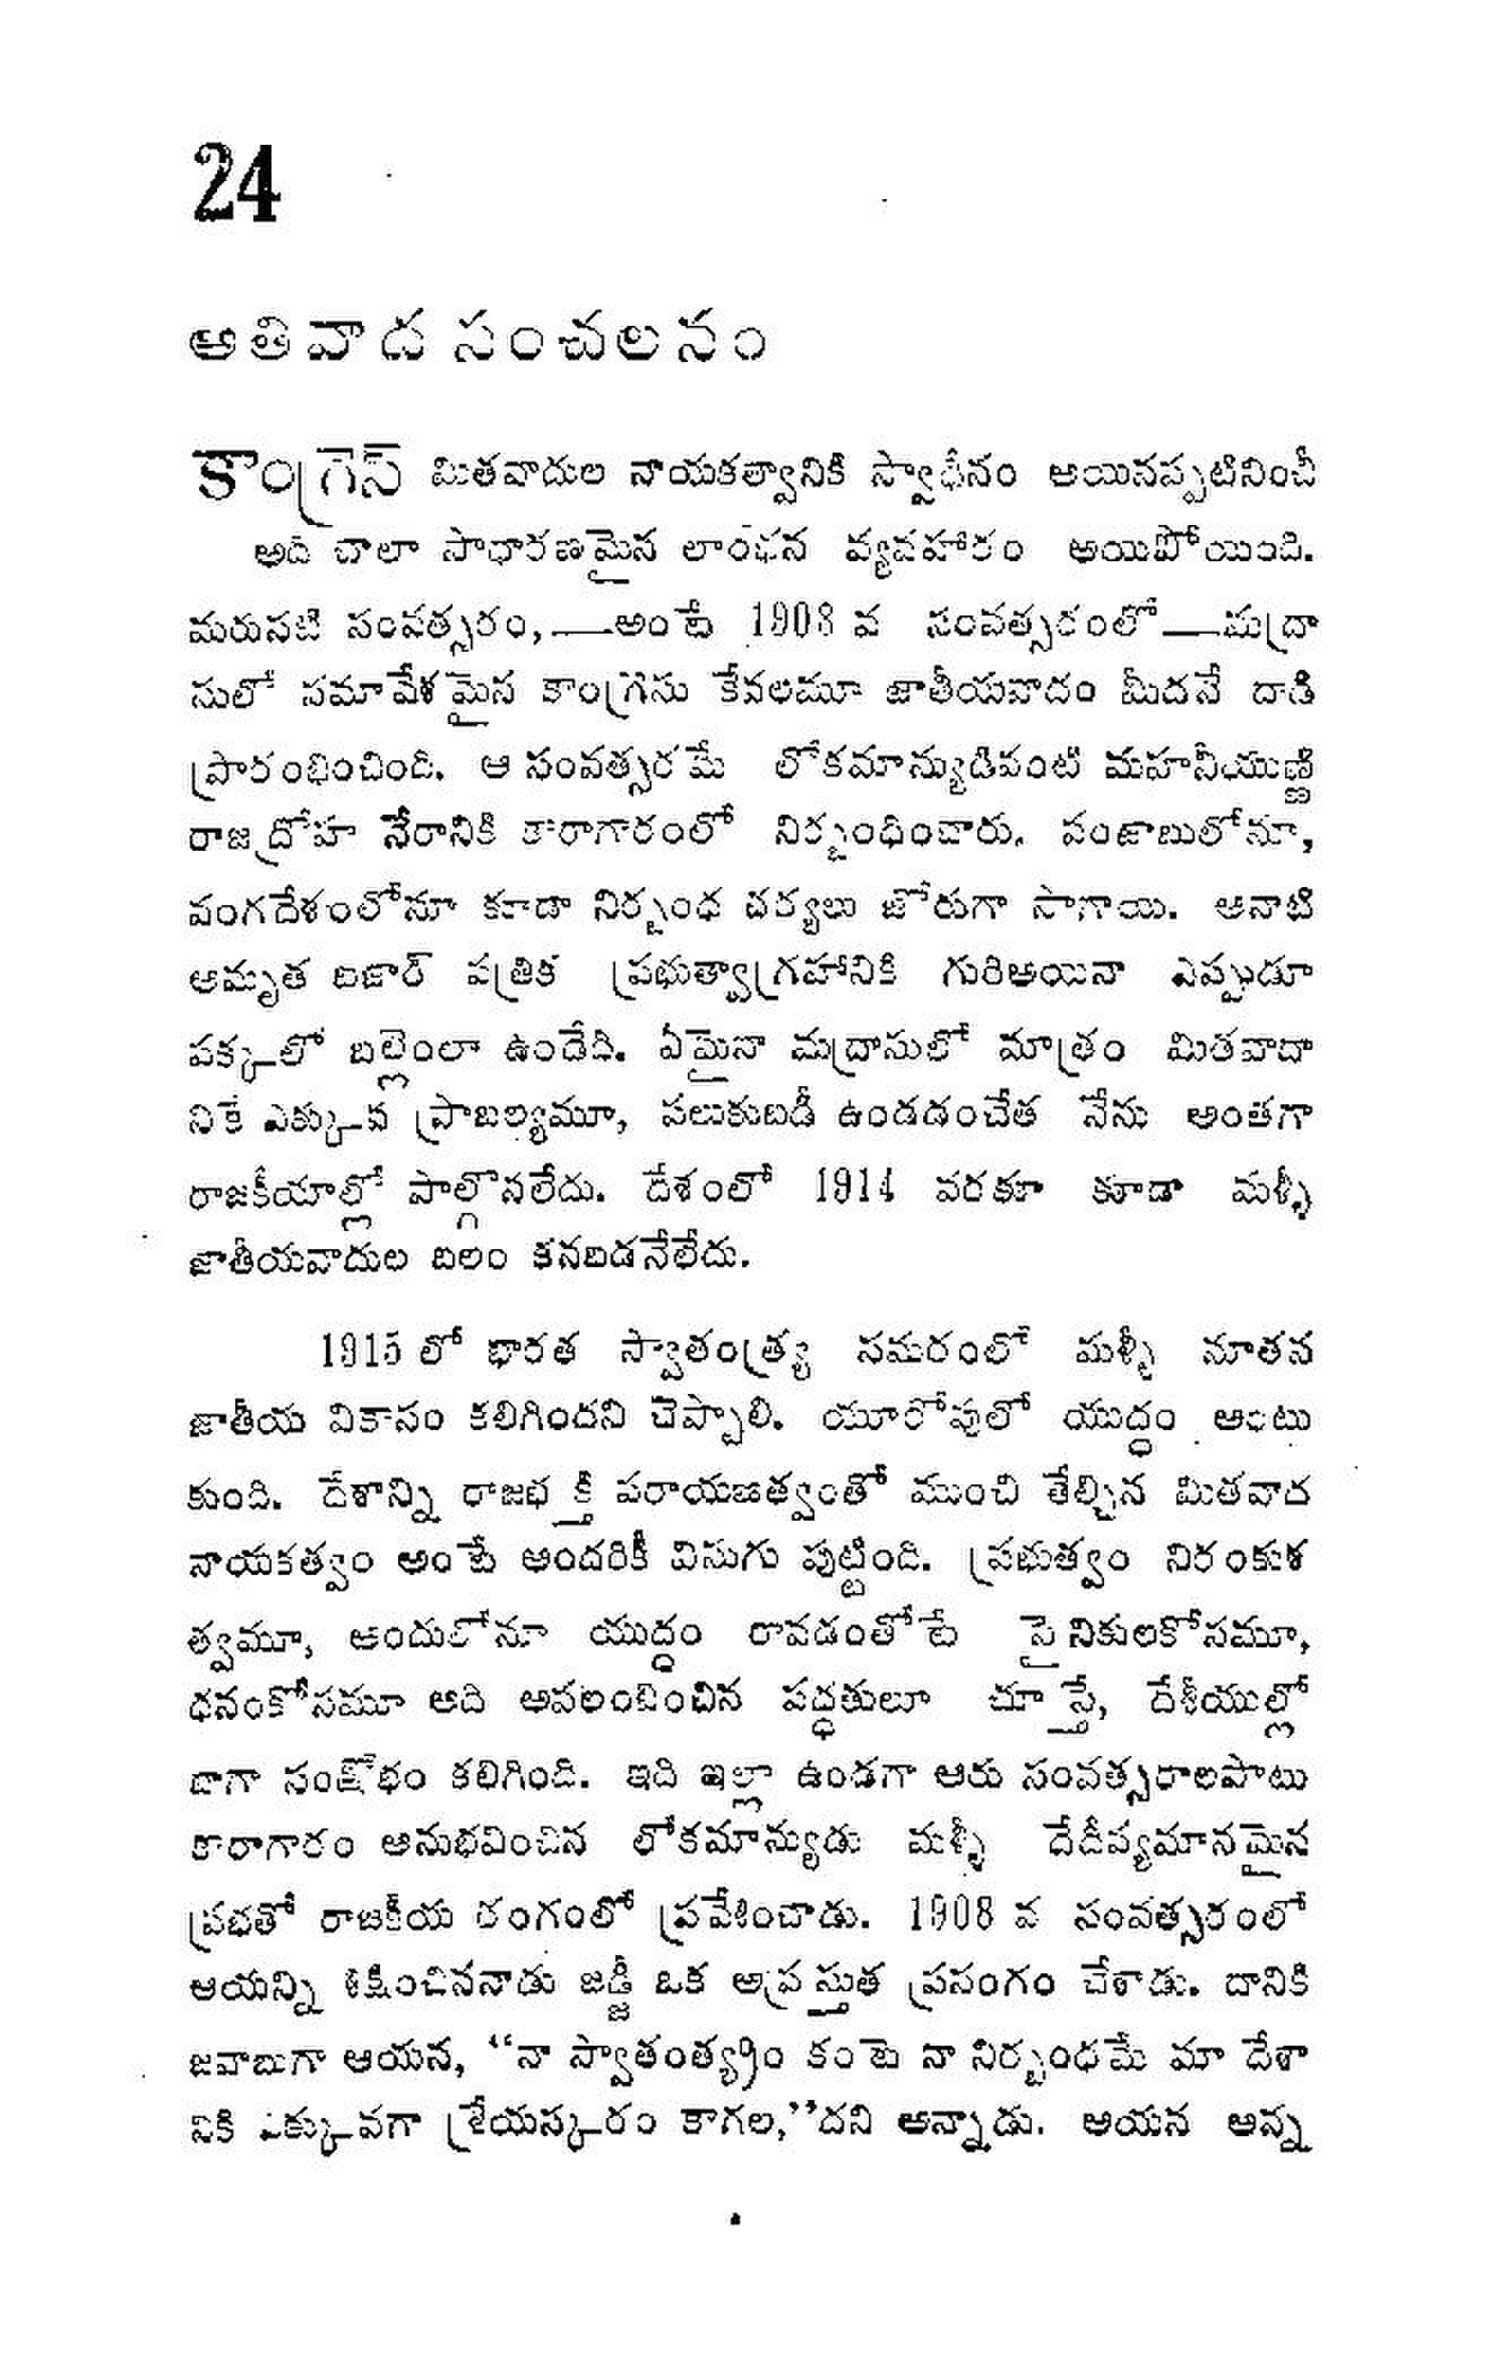కాంగ్రెస్ మితవాదుల నాయకత్వానికి స్వాధీనం అయినప్పటినించీ అది చాలా సాధారణమైన లాంఛన వ్యవహారం అయిపోయింది. మరుసటి సంవత్సరం, - అంటే 1908 వ సంవత్సరంలో - మద్రాసులో సమావేశమైన కాంగ్రెసు కేవలమూ జాతీయవాదం మీదనే దాడి ప్రారంభించింది. ఆ సంవత్సరమే లోకమాన్యుడివంటి మహనీయుణ్ణి రాజద్రోహి నేరానికి కారాగారంలో నిర్భంధించారు. పంజాబులోనూ, వంగదేశంలోనూ కూడా నిర్భంధ చర్యలు జోరుగా సాగాయి. ఆనాటి అమృత బజార్ పత్రిక ప్రభుత్వాగ్రహానికి గురిఅయినా ఎప్పుడూ పక్కలో బల్లెంలా ఉండేది. ఏమైనా మద్రాసులో మాత్రం మితవాదానికే ఎక్కువ ప్రాబల్యమూ, పలుకుబడీ ఉండడంచేత నేను అంతగా రాజకీయాల్లో పాల్గొనలేదు. దేశంలో 1914 వరకూ కూడా మళ్ళీ జాతీయవాదుల బలం కనబడలేదు.

1915 లో భారత స్వాతంత్ర్య సమరంలో మళ్ళీ నూతన జాతీయ వికాసం కలిగిందని చెప్పాలి. యూరోపులో యుద్ధం అంటుకుంది. దేశాన్ని రాజభక్తి పరాయణత్వంతో ముంచి తేల్చిన మితవాద నాయకత్వం అంటే అందరికీ విసుగు పుట్టింది. ప్రభుత్వం నిరంకుశత్వమూ, అందులోనూ యుద్ధం రావడంతోటే సైనికులకోసము, ధనంకోసమూ అది అవలంభించిన పద్ధతులూ చూస్తే, దేశీయుల్లో బాగా సంక్షోభం కలిగింది. ఇది ఇల్లా ఉండగా ఆరు సంవత్సరాలపాటు కారాగారం అనుభవించిన లోకమాన్యుడు మళ్ళీ దేదీప్యమానమైన ప్రభతో రాజకీయ రంగంలో ప్రవేశించాడు. 1908 వ సంవత్సరంలో ఆయన్ని శిక్షించినవాడు జడ్జీ ఒక అప్రస్తుత ప్రసంగం చేశాడు. దానికి జవాబుగా ఆయన, "నా స్వాతంత్ర్యం కంటె నా నిర్భంధమే మా దేశానికి ఎక్కువగా శ్రేయస్కరం కాగల,"దని అన్నాడు. ఆయన అన్న